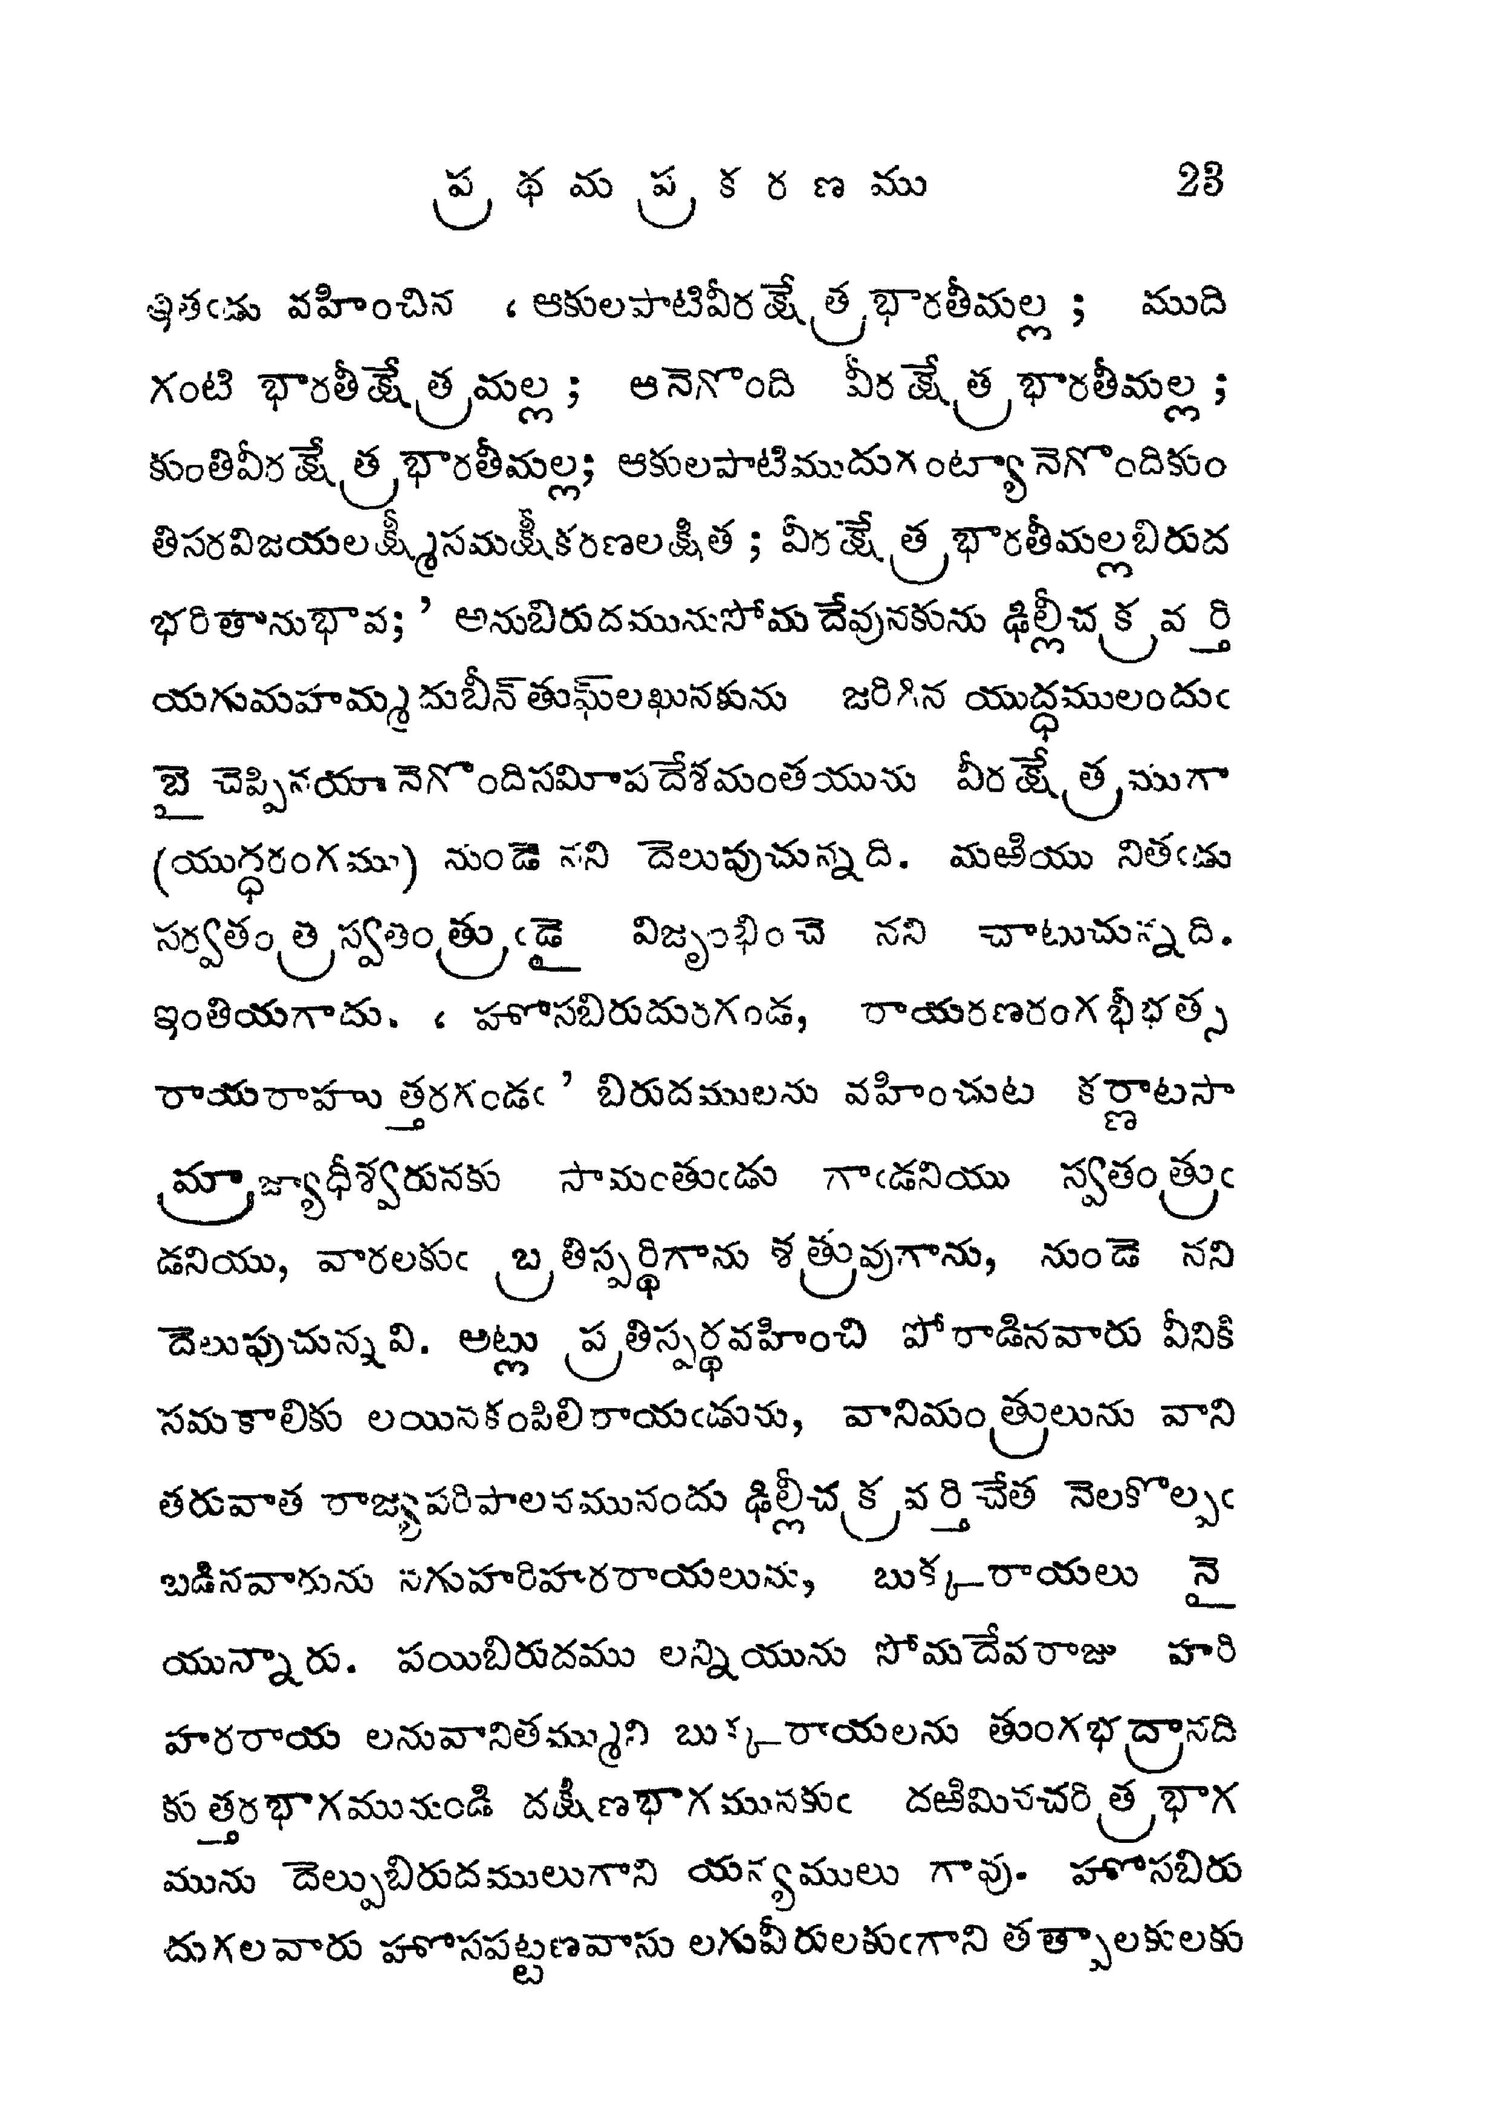ఇతడు వహించిన 'ఆకులపాటివీరక్షేత్రభారతీమల్ల; ముదిగంటి భారతీక్షేత్రమల్ల; ఆనెగొంది వీరక్షేత్ర భారతీమల్ల; కుంతివీరక్షేత్రభారతీమల్ల; ఆకులపాటిముదుగంట్యానెగొంది కుంతిసరవిజయలక్ష్మీ సమక్షీకరణలక్షిత; వీరక్షేత్రభారతీమల్లబిరుదభరితానుభావ;' అనుబిరుదమును సోమదేవునకును డిల్లీచక్రవర్తి యగుమహమ్మదుబీన్‌తుఘ్‌లఖునను జరిగిన యుద్ధములందు బై చెప్పినయానెగొంది సమీపదేశమంతయును వీరక్షేత్రముగా (యుద్ధరంగము) నుండె నని దెలుపుచున్నది. మఱియు నితడు సర్వతంత్రస్వతంత్రుడై విజృంభించె నని చాటుచున్నది. ఇంతియగాదు, 'హొసబిరుదురగండ' రాయరణరంగభీభత్స రాయరాహుత్తరగండ' బిరుదములను వహించుట కర్ణాటసామ్రాజ్యాధీశ్వరునకు సామంతుడు గాడనియు స్వతంత్రుడనియు, వారలకు బ్రతిస్పర్థిగాను శత్రువుగాను, నుండె నని దెలుపుచున్నవి. అట్లు ప్రతిస్పర్థవహించి పోరాడినవారు వీనికి సమకాలికు లయినకంపిలిరాయడును, వానిమంత్రులును వాని తరువాత రాజ్యపరిపాలనమునందు డిల్లీచక్రవర్తిచేత నెలకొల్పబడినవారును నగుహరిహరరాయలును, బుక్కరాయలు నై యున్నారు. పయిబిరుదము లన్నియును సోమదేవరాజు హరిహరరాయ లనువానితమ్ముని బుక్కరాయలను తుంగభద్రానది కుత్తరభాగమునుండి దక్షిణభాగమునకు దఱిమినచరిత్రభాగమును దెల్పుబిరుదములుగాని యన్యములు గావు. హొసబిరుదుగలవారు హొసపట్టణవాసు లగువీరులకుగాని తత్పాలకులకు